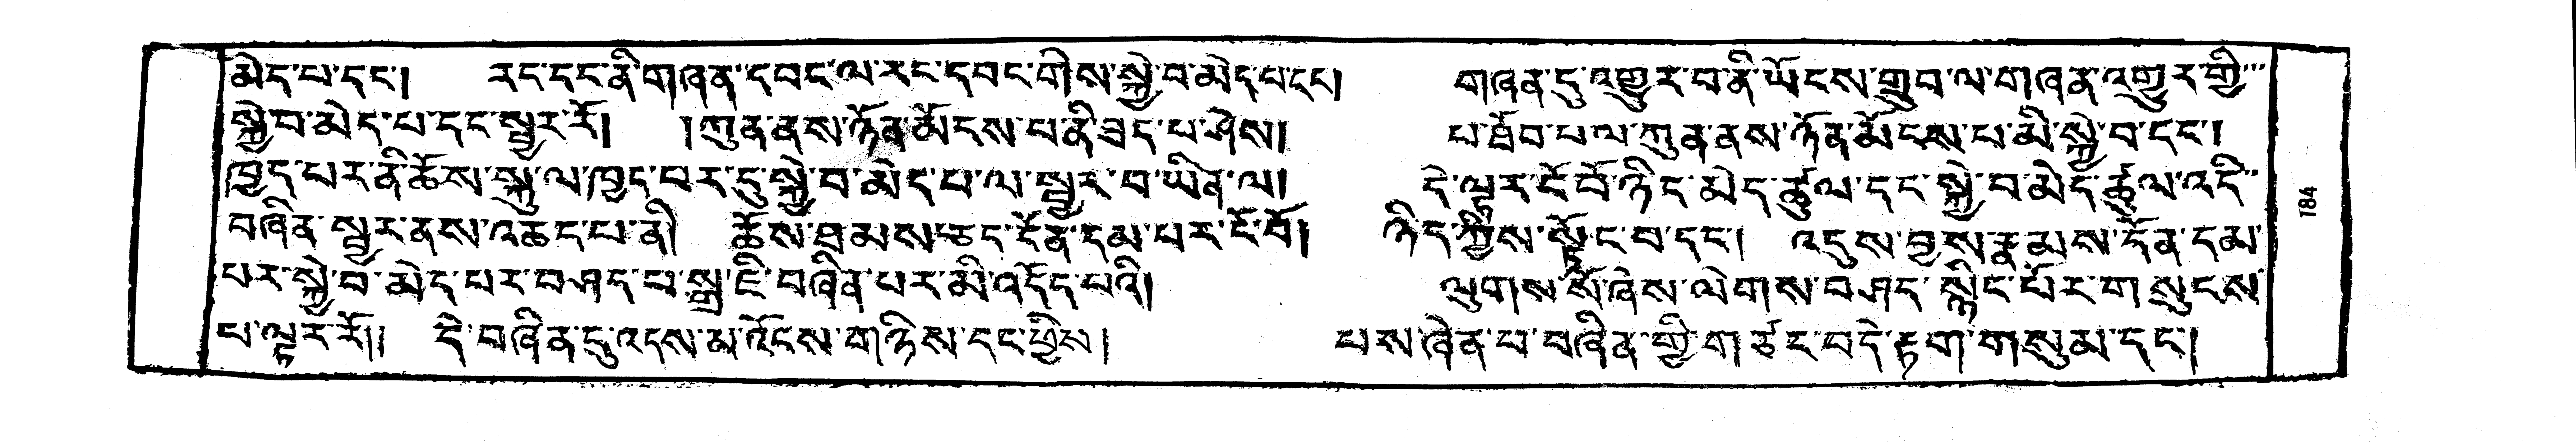མེད་པ་དང་། རང་དང་ནི་གཞན་དབང་ལ་རང་དབང་གིས་སྐྱེ་བ་མེད་པ་དང་། གཞན་དུ་འགྱུར་བ་ནི་ཡོངས་གྲུབ་ལ་གཞན་འགྱུར་གྱི་
སྐྱེ་བ་མེད་པ་དང་སྦྱར་རོ། །ཀུན་ནས་ཉོན་མོངས་པ་ནི་ཟད་པ་ཤེས། པ་ཐོབ་པ་ལ་ཀུན་ནས་ཉོན་མོངས་པ་མི་སྐྱེ་བ་དང་།
ཁྱད་པར་ནི་ཆོས་སྐུ་ལ་ཁྱད་པར་དུ་སྐྱེ་བ་མེད་པ་ལ་སྦྱར་བ་ཡིན་ལ། དེ་ལྟར་ངོ་བོ་ཉིད་མེད་ཚུལ་དང་སྐྱེ་བ་མེད་ཚུལ་འདི་
བཞིན་སྦྱར་ནས་འཆད་པ་ནི། ཆོས་ཐམས་ཅད་དོན་དམ་པར་ངོ་བོ། ཉིད་ཀྱིས་སྟོང་པ་དང་། འདུས་བྱས་རྣམས་དོན་དམ་
པར་སྐྱེ་བ་མེད་པར་བཤད་པ་སྒྲ་ཇི་བཞིན་པར་མི་འདོད་པའི། ལུགས་སོ་ཞེས་ལེགས་བཤད་སྙིང་པོར་གསུངས་
པ་ལྟར་རོ། །དེ་བཞིན་དུ་འདས་མ་འོངས་གཉིས་དང་ཕྱིས། པས་ཞེན་པ་བཞིན་གྱི་གཙང་བདེ་རྟག་གསུམ་དང་།